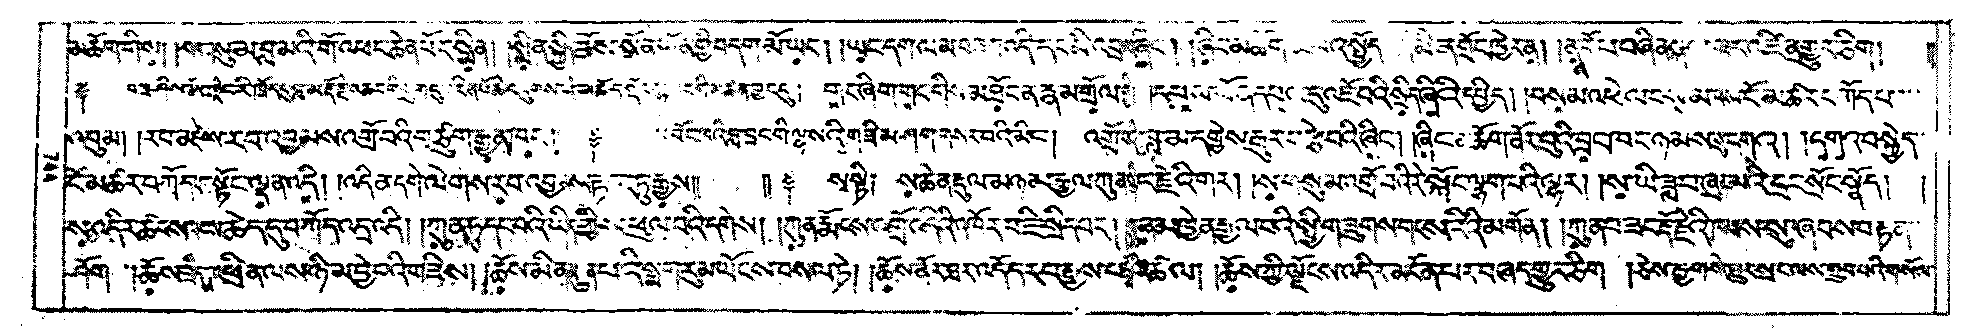མཆོག་གིས྾། །ས྾་གསུམ་བླ་མའི་གོ་འཕང་ཆེན་པོར་སྨིན྾། །སྨིན྾་སྐྱིད་ཆོས་སྒྲོན་ཡོན་གྱི་བདག་མོ་ཡང྾། །ཡང྾་དག་ལམ་བཟང་འདི་དང་མི་འབྲལ་ཞིང྾། །ཞིང྾་མཆོག་མཁའ་སྤྱོད་འོག་མིན་གྲོང་ཁྱེར་ན྾། །ནཱ྾་རོ་པ་བཞིན་སྐལ་བཟང་འཛིན་གྱུར་ཅིག ། །།
༈ བཀྲ་ཤིས་ཆོས་གླིང་རི་ཁྲོད་དུ་བླ་མ་རྡོ་རྗེ་འཆང་གི་སྐུ་གདུང་རིན་པོ་ཆེ་བཞུགས་པའི་མཆོད་སྡོང་ལྷ་ཁང་གི་མཚན་བྱང་དུ།  གང་྾་ཞིག་གང་྾་གིས་མཐོང྾་ན་རྣམ་གྲོལ྾་གྱི། །དཔལ་྾་ཡོན་དཔལ་྾་དུ་འཇོ་བའི་སྲིད྾་ཞིའི྾་དཔྱིད། །བསམ་྾་འཕེལ་བསམ་྾་ཡས་ངོ་མཚར་བཀོད་པ་
འབུམ། །རབ་མཛེས྾་རབ་འབྱམས་འགྲོ་བའི་གཙུག་རྒྱན྾་ཁང྾།། །། ༈ ཕ་བོང་ཁའི་བླ་བྲང་གི་ལྷ་སའི་གཟིམ་ཤག་གསར་བའི་མིང་།  འགྲོ་བའི་བླ྾་མ་དགྱེས་རྒུར་བརྩེ་བའི་ཞིང྾། །ཞིང྾་མཆོག་ནོར་བུའི་བྲང྾་ཁང་ཉམས་སུ་དགའ། །དགའ་྾྾་བསྐྱེད་
ངོ་མཚར་བཀོད་པ་སྟོང་ལྡན྾་འདི྾། །འདི྾་ན་དགེ་ལེགས་རབ྾་འབྱམས་རྟག་ཏུ་རྒྱས྾།། །།༈ སྭསྟི། ས྾་ཆེན་རྡུལ་མཉམ་རྒྱལ་ཀུན་སྙིང་རྗེའི་གར། །ས྾་གསུམ་འགྲོ་བའི་རེ་སྐོང་ལྷག་པའི་ལྷར། །ས྾་ཡི་ཟླ་བ་ཞུན་མའི་དྲང་སྲོང་སྣོད། །
ས྾་འདིར་ཚངས་པས་ཆེད་དུ་བཀོད་འདྲ་འདི། །ཀུན྾་ཏུ་དང་བའི་ཡིད་ཀྱིས་ཕུལ་བའི་དགེས། །ཀུན྾་རྨོངས་འགྲོ་འདིའི་འཁོར་བ་ཇི་སྲིད་བར། །ཀུན྾་མཁྱེན་རྒྱལ་བའི་སྤྱི་གཟུགས་གངས་རིའི་མགོན། །ཀུན྾་བཟང་རྡོ་རྗེའི་ཁམས་སུ་ཞབས་བརྟན་
ཤོག །ཆོས྾་སྲིད་འཕྲིན་ལས་ཉི་མ་བྱེ་བའི་གཟིས། །ཆོས྾་མིན་མུན་པའི་སྨག་རུམ་ཡོངས་བསལ་ཏེ། །ཆོས྾་ནོར་ཐར་འདོད་རབ་རྒྱས་པདམོའི་ཚལ། །ཆོས྾་ཀྱི་ལྗོངས་འདིར་མངོན་པར་བཞད་གྱུར་ཅིག །ཅེས་རྒྱ་གསེར་ཐུར་སྲང་ལས་གྲུབ་པའི་གསོལ་